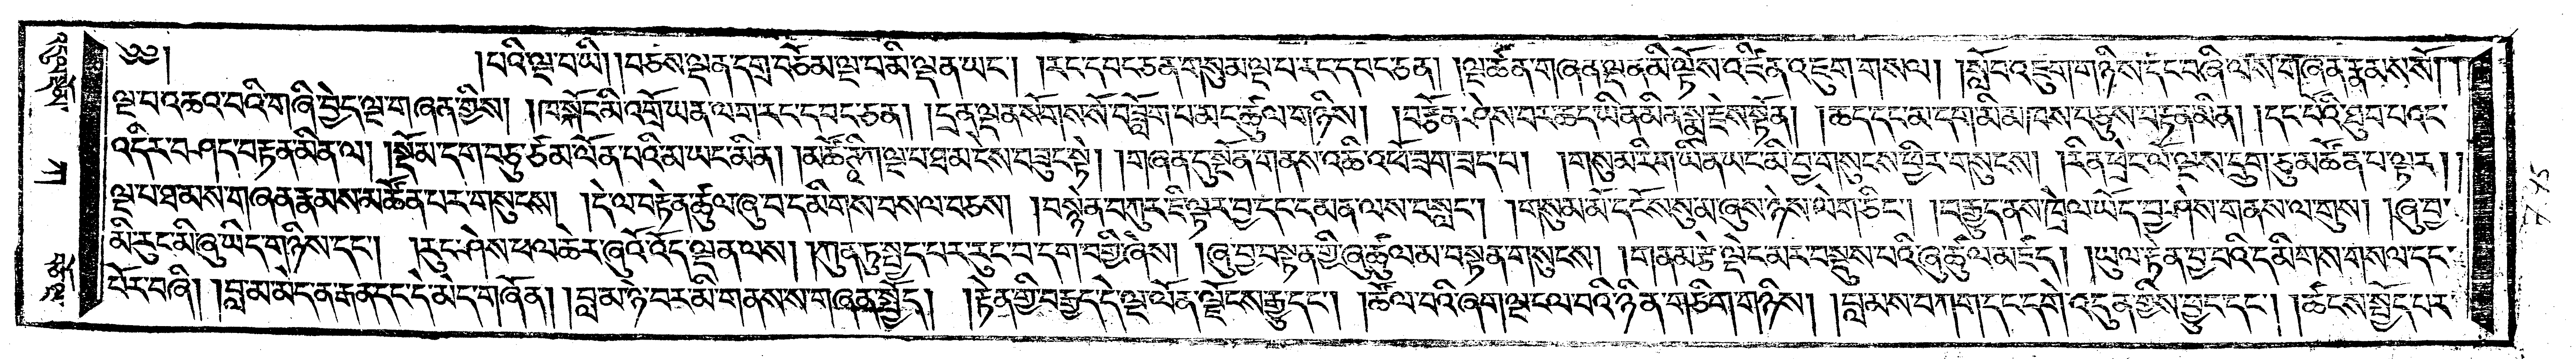༄༅། །པའི་ལྔ་པ་ཡི། །བཅས་ལྡན་དགྲ་བཅོམ་ལྔ་པ་མི་ལྡན་ཡང་། །རང་དབང་ཅན་གསུམ་ལྔ་པ་རང་དབང་ཅན། །ལྔ་ཚན་གཞན་ལྡན་མི་ལྟོས་འཛིན་འཇུག་གསལ། །སློབ་འཇུག་གཉིས་དང་བཞི་ལས་གཞན་རྣམས་སོགས་
ལྔ་པ་འཆའ་བའི་གཞི་བྱེད་ལྔ་གཞན་བྱིས། །ཁ་སྐོང་མི་འགྲོ་ཡན་ལག་རང་དབང་ཅན། །དྲན་ལྡན་སོགས་སོ་བཟློག་པ་མང་ཚུལ་གཉིས། །བརྩོན་ཤེས་བར་ཆད་ཡིན་མིན་སྨྲ་རྗེས་སྟོན། །ཆང་དང་མ་དག་མི་མཁས་བཅུས་བསྟན་མིན། །དང་པོའི་ཐུབ་པའང་
འདིར་བཤད་བརྟན་མིན་ལ། །སྔོམ་དག་བཅུ་ཙམ་ལོན་པའི་མ་ཡང་མིན། །མཚོ་ཊཱིཀ་ལྔ་པ་ཐམ་ངས་བཟུང་སྟེ། །གཞན་དུ་སྔོན་གནས་འཆི་འཕོ་ཟག་ཟད་པ། །གསུམ་རིག་ཡིན་ཡང་མི་བྱ་གསུངས་ཕྱིར་གསུངས། །རིན་ཕྲེང་ལོ་ལྔས་དྲུག་ཅུ་མཚོན་པ་ལྟར། །
ལྔ་པ་ཐམས་གཞན་རྣམས་མཚོན་པར་གསུངས། །དེ་ལ་བརྟེན་ཚུལ་ཞུ་བ་དམིགས་བསལ་བཅས། །བསྙེན་བཀུར་ཇི་ལྟར་བྱ་དང་དམན་ལས་བསླང་། །གསུམ་མོ་དངོས་སུ་མ་ཞུས་ཉེས་ལེག་ཅིང་། །བརྒྱུད་ནས་ཁྲེལ་ཡོད་བྱ་ཤས་གནས་ལ་གུས། །ཞུ་བྱ་
མི་རུང་མི་ཞུ་ཡིད་གཉིས་དང་། །རུང་ཤེས་ཕལ་ཆེར་ཞུའོ་འོད་ལྡན་ལས། །ཀུན་ཏུ་སྤྱད་པར་རུང་བ་དག་བགྱི་ཞེས། །ཞུ་བྱ་བསྟན་གྱི་ཞུ་ཚུལ་མ་བསྟན་གསུངས། །གནམ་རྩེ་ལྡེང་མར་བསྡུས་པའི་ཞུ་ཚུལ་མཛད། །ཡུལ་རྟེན་བྱ་བའི་དམིགས་གསལ་དང་
པོར་བཞི། །བླ་མ་མེད་ན་རྒན་དང་དེ་མེད་གཞོན། །བླ་མ་ཉེ་བར་མི་གནས་ས་གཞན་སྤྱོད། །རྟེན་གྱི་བརྒྱད་དེ་ལྔ་ལོན་ལྗོངས་རྒྱུ་དང་། །ཚོལ་བའི་ཞག་ལྔ་ངལ་བའི་ཉིན་གཅིག་གཉིས། །བླ་མས་བཀག་དང་དགེ་འདུན་གྱིས་ཕུང་དང་། །ཚངས་སྤྱོད་པར་